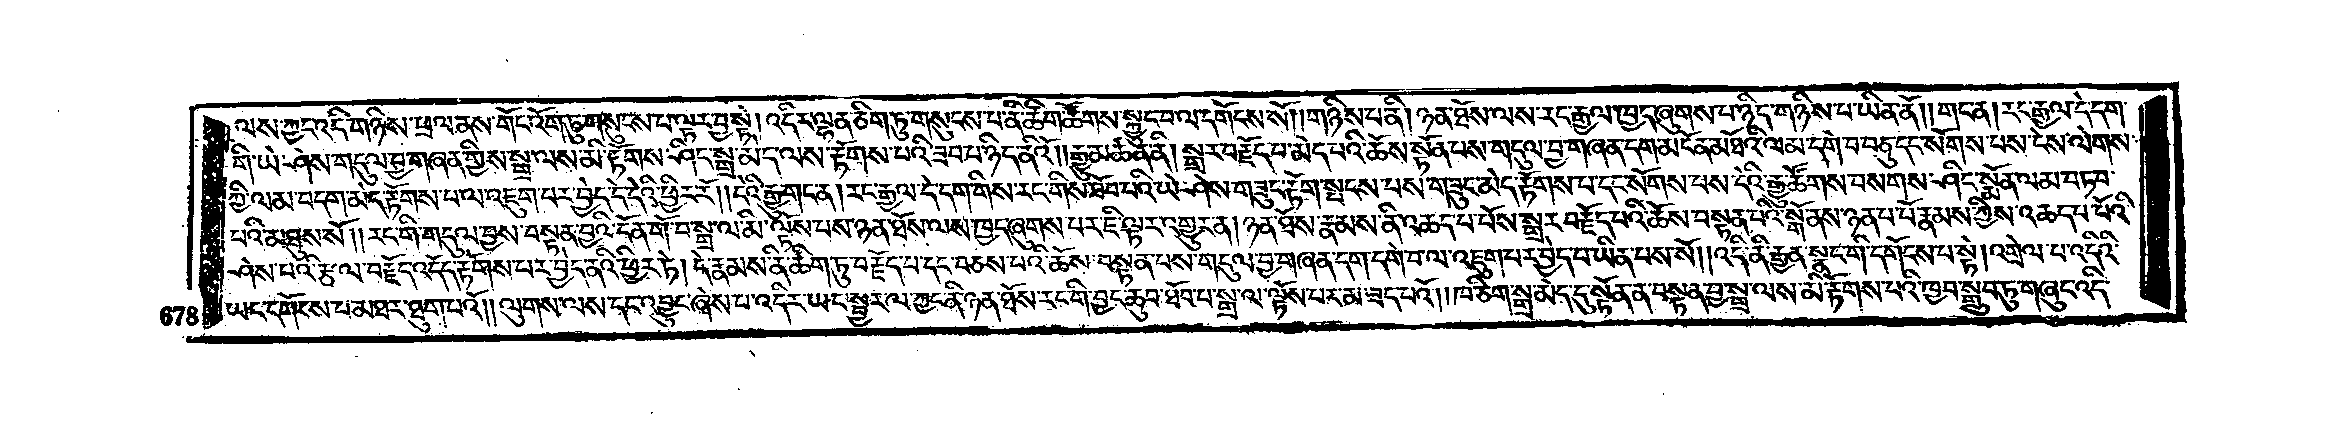ལས་ཀྱང་འདི་གཉིས་ཕྲལ་ནས་གོང་འོག་ཏུ་གསུངས་པ་ལྟར་བྱ་སྟེ། འདིར་ལྷན་ཅིག་ཏུ་གསུངས་པ་ནི་ཚིག་ཚོགས་སྐྱུང་བ་ལ་དགོངས་སོ། །གཉིས་པ་ནི། ཉན་ཐོས་ལས་རང་རྒྱལ་ཁྱད་ཞུགས་པ་ཉིད་གཉིས་པ་ཡིན་ནོ། །གང་ན། རང་རྒྱལ་དེ་དག་
གི་ཡེ་ཤེས་གདུལ་བྱ་གཞན་གྱིས་སྒྲ་ལས་མི་རྟོགས་ཤིང་སྒྲ་མེད་ལས་རྟོགས་པའི་ཟབ་པ་ཉིད་ནིའོ། །རྒྱུ་མཚན་ནི། སྒྲར་བརྗོད་པ་མེད་པའི་ཆོས་སྟོན་པས་གདུལ་བྱ་གཞན་དག་མངོན་མཐོའི་ལམ་དགེ་བ་བཅུ་དང་སོགས་པས་ངེས་ལེགས་
ཀྱི་ལམ་བདག་མེད་རྟོགས་པ་ལ་འཇུག་པར་བྱེད་དེ་དེའི་ཕྱིར་རོ། །དེའི་རྒྱུ་གང་ན། རང་རྒྱལ་དེ་དག་གིས་རང་གིས་ཐོབ་པའི་ཡེ་ཤེས་གཟུང་རྟོག་སྤངས་པས་གཟུང་མེད་རྟོགས་པ་དང་སོགས་པས་དེའི་རྒྱུ་ཚོགས་བསགས་ཤིང་སྨོན་ལམ་བཏབ་
པའི་མཐུས་སོ། །རང་གི་གདུལ་བྱས་བསྟན་བྱའི་དོན་གོ་བ་སྒྲ་ལ་མི་ལྟོས་པས་ཉན་ཐོས་ལས་ཁྱད་ཞུགས་པར་ཇི་ལྟར་འགྱུར་ན། ཉན་ཐོས་རྣམས་ནི་འཆད་པ་པོས་སྒྲར་བརྗོད་པའི་ཆོས་བསྟན་པའི་སྒོ་ནས་ཉན་པ་པོ་རྣམས་ཀྱིས་འཆད་པ་པོའི་
ཤེས་པའི་རྩལ་བརྗོད་འདོད་རྟོགས་པར་བྱེད་ནའི་ཕྱིར་ཏེ། དེ་རྣམས་ནི་ཚིག་ཏུ་བརྗོད་པ་དང་བཅས་པའི་ཆོས་བསྟན་པས་གདུལ་བྱ་གཞན་དག་དགེ་བ་ལ་འཇུག་པར་བྱེད་པ་ཡིན་པས་སོ། །འདི་ནི་རྒྱན་སྣང་གི་དགོངས་པ་སྟེ། འགྲེལ་པ་འདིའི་
ཡང་དགོངས་པ་མཐར་ཐུག་པའོ། །ལུགས་ལས་དང་འབྱུང་ཞེས་པ་འདིར་ཡང་སྦྱར་ལ་ཀྱང་ནི་ཉན་ཐོས་རང་གི་བྱང་ཆུབ་ཐོབ་པ་སྒྲ་ལ་ལྟོས་པར་མ་ཟད་པའོ། །ཁ་ཅིག་སྒྲ་མེད་དུ་སྟོན་ན་བསྟན་བྱ་སྒྲ་ལས་མི་རྟོགས་པའི་ཁྱབ་སྒྲུབ་ཏུ་གཞུང་འདི་